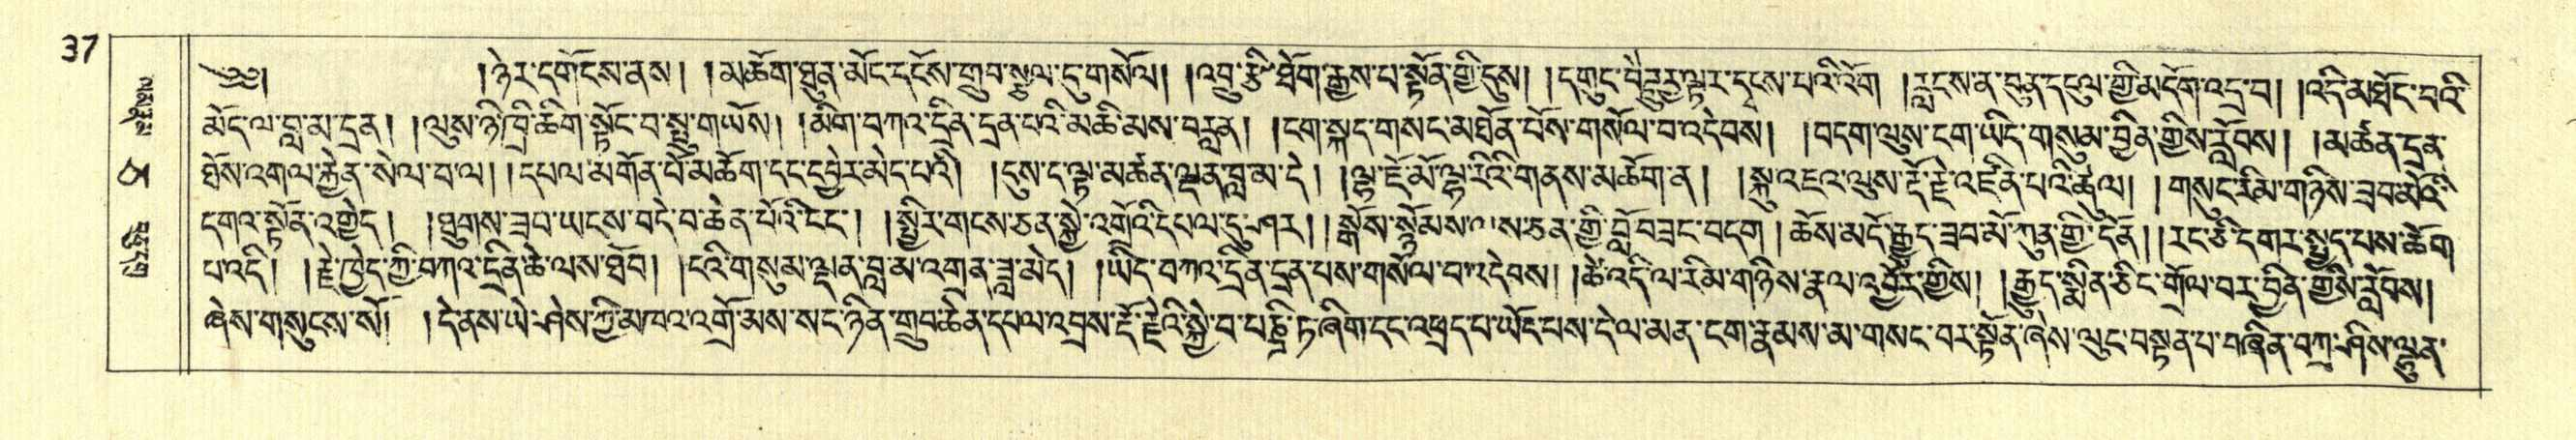༄༅། །ཉེར་དགོངས་ནས། །མཆོག་ཐུན་མོང་དངོས་གྲུབ་སྩལ་དུ་གསོལ། །འབྲུ་རྩི་ཐོག་རྒྱས་པ་སྟོན་གྱི་དུས། །དགུང་བཻཌཱུརྱ་ལྟར་དྭངས་པའི་འོ་ག །རླངས་ན་བུན་དངུལ་གྱི་མདོག་འདྲ་བ། །འདི་མཐོང་བའི་
མོད་ལ་བླ་མ་དྲན། །ལུས་ཉི་ཁྲི་ཆིག་སྟོང་བ་སྤུ་གཡོས། །མིག་བཀའ་དྲིན་དྲན་པའི་མཆི་མས་བརླན། །ངག་སྐད་གསང་མཐོན་པོས་གསོལ་བ་འདེབས། །བདག་ལུས་ངག་ཡིད་གསུམ་བྱིན་གྱིས་རློབས། །མཚན་དྲན་
ཐོས་འགལ་རྐྱེན་སེལ་བ་ལ། །དཔལ་མགོན་པོ་མཆོག་དང་དབྱེར་མེད་པའི། །དུས་ད་ལྟ་མཚན་ལྡན་བླ་མ་དེ། །ལྷ་ཇོ་མོ་ལྷ་རིའི་གནས་མཆོག་ན། །སྐུ་འཇའ་ལུས་རྡོ་རྗེ་འཛིན་པའི་ཚུལ། །གསུང་རིམ་གཉིས་ཟབ་མོའི་
དགའ་སྟོན་འགྱེད། །ཐུགས་ཟབ་ཡངས་བདེ་བ་ཆེན་པོའི་ངང་། །སྤྱིར་གངས་ཅན་སྐྱེ་འགྲོའི་དཔལ་དུ་ཤར། །སྒོས་སྙོམས་ལས་ཅན་གྱི་བློ་བཟང་བདག། ཆོས་མདོ་རྒྱུད་ཟབ་མོ་ཀུན་གྱི་དོན། །རང་ཅི་དགར་སྤྱད་པས་ཆོག་
པ་འདི། །རྗེ་ཁྱེད་ཀྱི་བཀའ་དྲིན་ཆེ་ལས་ཐོབ། །ངའི་གསུམ་ལྡན་བླ་མ་འགྲན་ཟླ་མེད། །ཡིད་བཀའ་དྲིན་དྲན་པས་གསོལ་བ་འདེབས། །ཚེ་འདི་ལ་རིམ་གཉིས་རྣལ་འབྱོར་གྱིས། །རྒྱུད་སྨིན་ཅིང་གྲོལ་བར་བྱིན་གྱིས་རློབས།
ཞེས་གསུངས་སོ། །དེ་ནས་ཡེ་ཤེས་ཀྱི་མཁའ་འགྲོ་མས་སང་ཉིན་གྲུབ་ཆེན་དཔལ་འབྲས་རྡོ་རྗེའི་སྐྱེ་བ་པཎྜི་ཏ་ཞིག་དང་འཕྲད་པ་ཡོང་པས་དེ་ལ་མན་ངག་རྣམས་མ་གསང་བར་སྟོན་ཞེས་ལུང་བསྟན་པ་བཞིན་བཀྲ་ཤིས་ལྷུན་